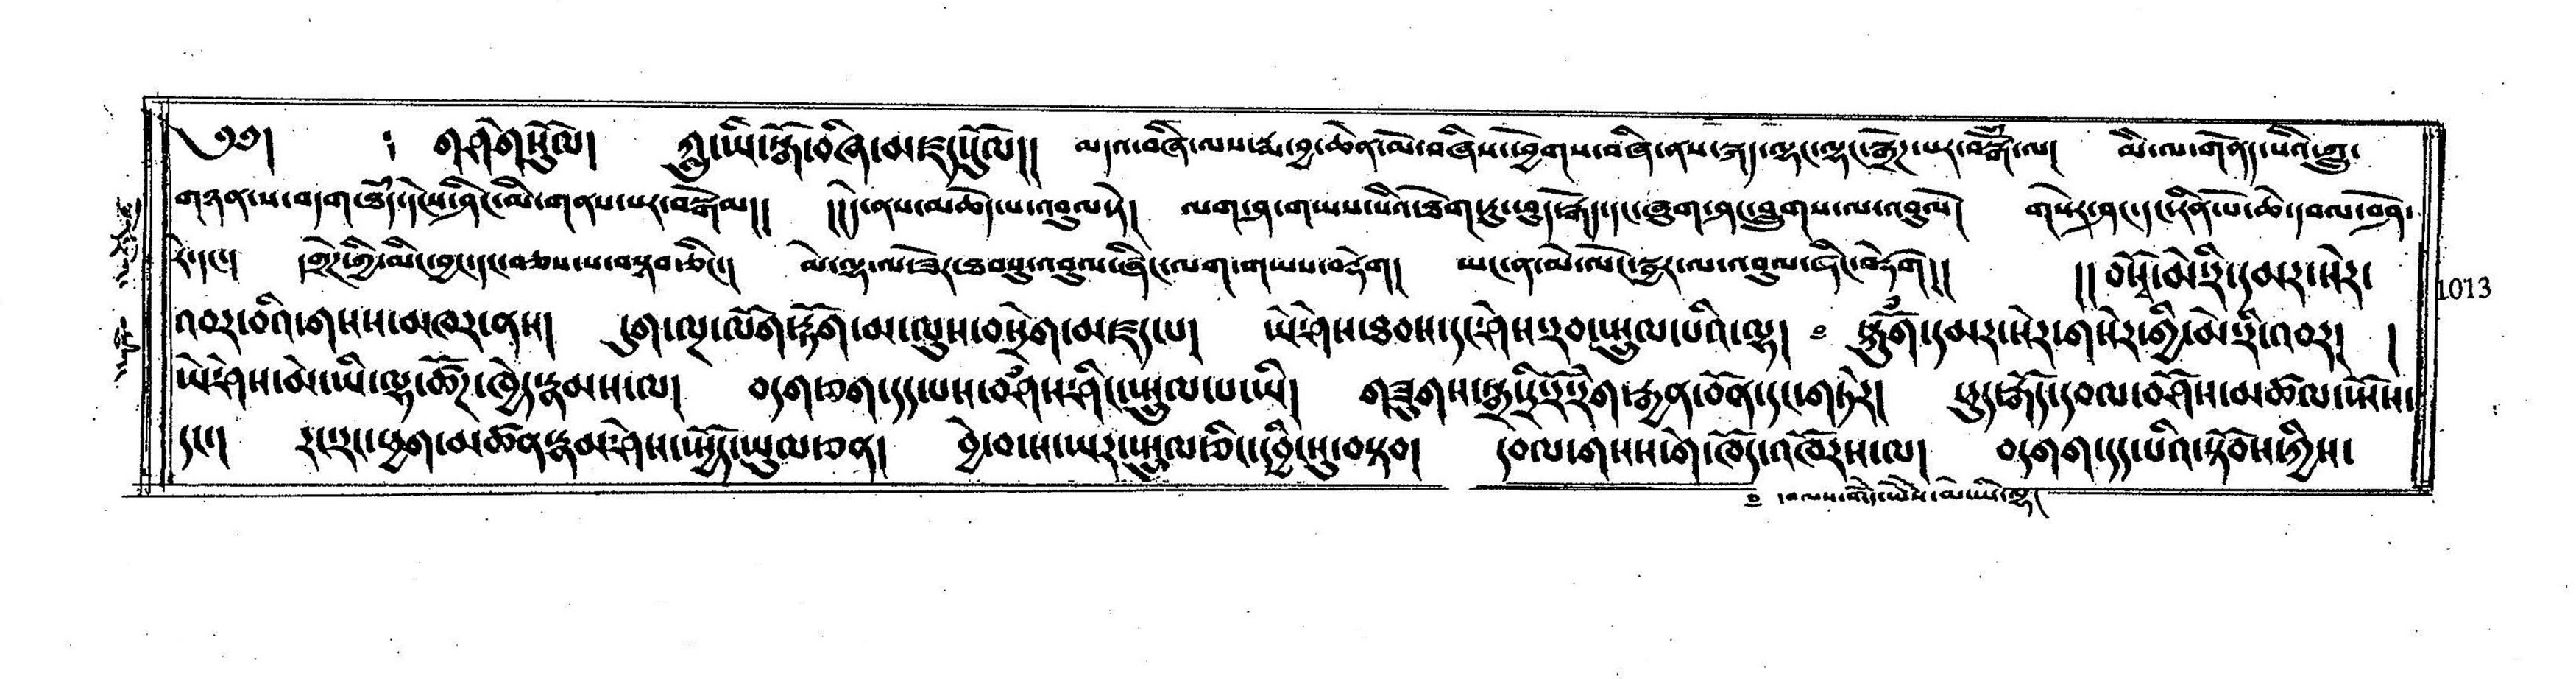གཤེགས་སུ་གསོལ། ཀླུ་ཡི་སྒོ་བཞི་མཛད་དུ་གསོལ།། མདའ་བཞི་ལས་རྨ་བྱ་ཆེན་མོ་བཞིས་ཕྱོགས་བཞི་ནས་སྐད་ལྷང་ལྷང་སྒྲོགས་པར་བསྒོམ་ལ། མི་ལ་གནོད་པའི་གླུ་
གཉན་ས་བདག་ཐམས་ཅད་དེངས་ཤིང་མི་གནས་པར་བསྒོམ།། །།དེ་ནས་མཆོད་པ་འབུལ་ཏེ། ལག་ཤ་༼པ༽གཡས་པའི་ཐོག་ཏུ་ཕུད་རྒོད་དང་ཞུག་ཤང་བླུགས་ལ་འབུལ་ལོ། གསེར་ཤང་དང་རིན་པོ་ཆེ་དབལ་བཤོ་
རེ་དང་། དགྲ་བགེགས་ཀྱི་མིང་བྱང་དང་བཅས་པ་བསྟབ་ཅིང་། མེ་ལྷ་ལ་ཟོར་ཐབས་སུ་འབུལ་ཞིང་ལག་གཡས་བཏེག ཡང་ན་མེ་ལོང་སྦྱར་ལ་འབུལ་ཞིང་བརྡེག་གོ།། །།བསྭོ་མེ་རི་དམར་སེར་
འབར་བའི་གསས་མཁར་ནས། དུག་ལྔ་ལོག་རྟོག་མ་ལུས་བསྲེག་མཛད་པ། ཡེ་ཤེས་ཐབས་དང་ཤེས་རབ་སྤྲུལ་པའི་ལྷ། དབལ་གསས་གེ་ཁོད་ཡེ་ཤེས་མེ་ཡི་ལྷ། སྐུ་མདོག་དམར་སེར་གསེར་གྱི་མེ་རི་འབར། 
ཡེ་ཤེས་མེ་ཡི་ལྷ་ཚོགས་ཁྱེད་རྣམས་ལ། བདག་ཅག་དད་པས་བཤམས་ཤིང་སྤྲུལ་པ་ཡི། གཟུགས་སྒྲ་དྲི་རོ་རེག་རྒྱན་བོན་དང་གཏེར། ཕུད་རྒོད་དབལ་བཤོས་མཚལ་སྤོས་
དང་། རང་རང་ཕྱག་མཚན་རྣམ་ཤེས་སྤྱོད་ཡུལ་ཅན། བྱེ་བ་ས་ཡར་སྤྲུལ་ཅིང་དབྱིངས་སུ་བསྟབ། དབལ་གསས་གེ་ཁོད་འཁོར་བཅས་ལ། བདག་ཅག་དད་པའི་སྟོབས་ཀྱིས་